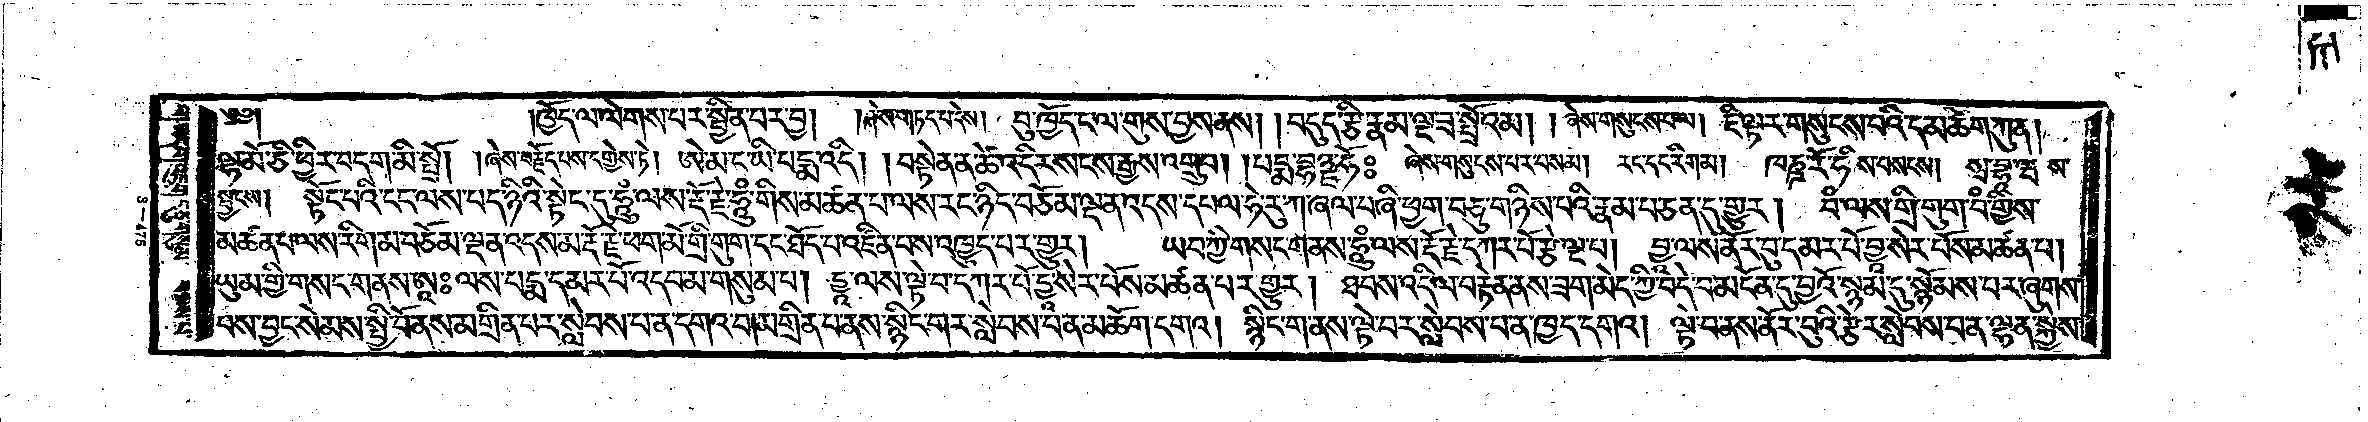༄༅། །ཁྱོད་ལ་ལེགས་པར་སྦྱིན་པར་བྱ། ཞེས་གཏད་པ་དེས།  བུ་ཁྱོད་ང་ལ་གུས་བྱས་ནས། །བདུད་རྩི་རྣམ་ལྔ་ཟ་སྤྲོ་འམ། །ཞེས་གསུངས་པ་ལ།  ཇི་ལྟར་གསུངས་པའི་དམ་ཚིག་ཀུན།
ལྷ་མོ་ཅི་ཕྱིར་བདག་མི་སྤྲོ། །ཞེས་བརྗོད་པས་དགྱེས་ཏེ།  ཨེ་མ་ང་ཡི་པདམ་འདི། །བསྟེན་ན་ཚེ་འདིར་སངས་རྒྱས་འགྲུབ། །པདམ་བྷཉྫ་ཧོཿཞེས་གསུངས་པར་བསམ། རང་དང་རིག་མ།  ཁཎྜ་རོ་ཧིས་བསངས། སྭ་བྷཱ་ཝ་ས་
སྦྱངས། སྟོང་པའི་ངང་ལས་པད་ཉིའི་སྟེང་དུ་ཧཱུཾ་ལས་རྡོ་རྗེ་ཧཱུཾ་གིས་མཚན་པ་ལས་རང་ཉིད་བཅོམ་ལྡན་འདས་དཔལ་ཧེ་རུ་ཀ་ཞལ་བཞི་ཕྱག་བཅུ་གཉིས་པའི་རྣམ་པ་ཅན་དུ་གྱུར། བཾ་ལས་གྲི་གུག་བཾ་གྱིས་
མཚན་པ་ལས་རིག་མ་བཅོམ་ལྡན་འདས་མ་རྡོ་རྗེ་ཕག་མོ་གྲི་གུག་དང་ཐོད་པ་འཛིན་པས་འཁྱུད་པར་གྱུར། ཡབ་ཀྱི་གསང་གནས་ཧཱུཾ་ལས་རྡོ་རྗེ་དཀར་པོ་རྩེ་ལྔ་པ། བྱ་ལས་ནོར་བུ་དམར་པོ་བྱཱ་སེར་པོས་མཚན་པ།
ཡུམ་གྱི་གསང་གནས་ཨཱཿལས་པདམ་དམར་པོ་འདབ་མ་གསུམ་པ། དྱཱ་ལས་ལྟེ་བ་དཀར་པོ་དྱཱ་སེར་པོས་མཚན་པར་གྱུར། ཐབས་འདི་ལ་བརྟེན་ནས་ཟག་མེད་ཀྱི་བདེ་བ་མངོན་དུ་བྱའོ་སྙམ་དུ་སྙོམས་པར་ཞུགས་
པས་བྱང་སེམས་སྤྱི་བོ་ནས་མགྲིན་པར་སླེབས་པ་ན་དགའ་བ་།མགྲིན་པ་ནས་སྙིང་གར་སླེབས་པ་ན་མཆོག་དགའ། སྙིང་ག་ནས་ལྟེ་བར་སླེབས་པ་ན་ཁྱད་དགའ། ལྟེ་བ་ནས་ནོར་བུའི་རྩེར་སླེབས་པ་ན་ལྷན་སྐྱེས་